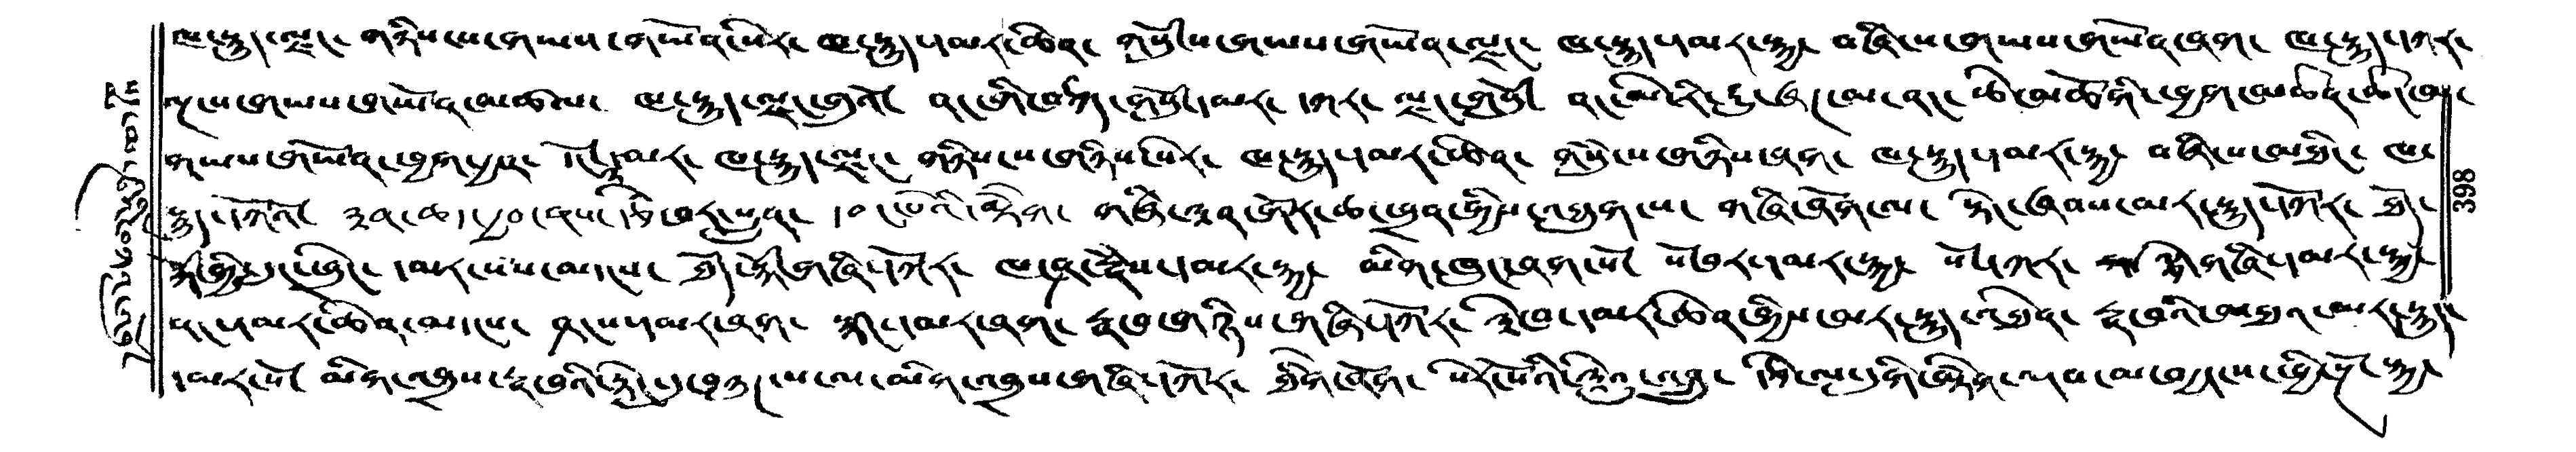ཁ་སྐུད་ལྗང་། གཉིས་པ་གཡས་གཡོན་སེར། ཁ་སྐུད་དམར་ཆེན། གསུམ་པ་གཡས་གཡོན་ལྗང་། ཁ་སྐུད་དམར་སྐྱ། བཞི་པ་གཡས་གཡོན་ནགཁ་སྐུད་དཀར། 
ལྔ་པ་གཡས་གཡོན་མཚལ། ཁ་སྐུད་ལྗང་གུའོ། །ནང་གི་བཅད་གསུམ་དམར། དཀར། ལྗང་གསུམ། ནང་མེ་རི་རྒྱུ་ཞགས་ལ་ནང་ཆེ་མཆོག་གི་ཕྱག་མཚན་ཚང་མ་
གཡས་གཡོན་ཕྱག་རྒྱར། དང་པོ་གསུམ་དམར། ཁ་སྐུད་ལྗང་། གཉིས་པ་གཉིས་སེར། ཁ་སྐུད་དམར་ཆེན། གསུམ་པ་གཉིས་ནག ཁ་སྐུད་དམར་སྐྱ། བཞི་པ་མཐིང་། ཁ་
སྐུད་དཀར་པོའམ། ཟན་ཆད་རྒྱབ་ནས་རྩེ་བར་སླན། དབང་པོའི་མེ་ཏོག གཞི་ཟན་གོར་ཆ་ཕྲན་གྱིས་འཐུག་པ། གཞི་ནག་པོ་ལ། སྟེང་ཞབས་དམར་སྐུད་དཀར་པོ། ཐོད་
སྐམ་གྱི་དུང་ཕྲེང་། དམར་པོས་མདངས། ཐོད་སྐམ་གཞི་དཀར་པོ། ཁ་ཤ་རྣམས་དམར་སྐྱ། མིག་ཁུང་ནག་པོ། སོ་བར་དམར་སྐྱ། སོ་དཀར། ལྕེ་གཞི་དམར་སྐྱ། 
ནང་དམར་ཆེན་མདངས། ཤངས་དམར་ནག སྙིང་དམར་ནག རྣ་བ་གཉིས་གཞི་དཀར་པོ། ཟེ་བ་དམར་ཆེན་གྱིས་མར་སྐུད་འཐེན། རྣ་བའི་མཐའ་མར་སྐུད་
དམར་པོ། མིག་འབྲས་རྣ་བའི་སྟེང་དུ་བཀུག་པ་ལ་མིག་འབྲས་གཞི་དཀར་པོ། ཐིག་ནག་པོ། སེར་པོའི་ཟེའུ་འབྲུ། རྩེ་ལ་དུག་གི་མེ་ཏོག་འདབ་མ་བརྒྱད་པ་ཕྱི་སྔོ་སྐྱ།